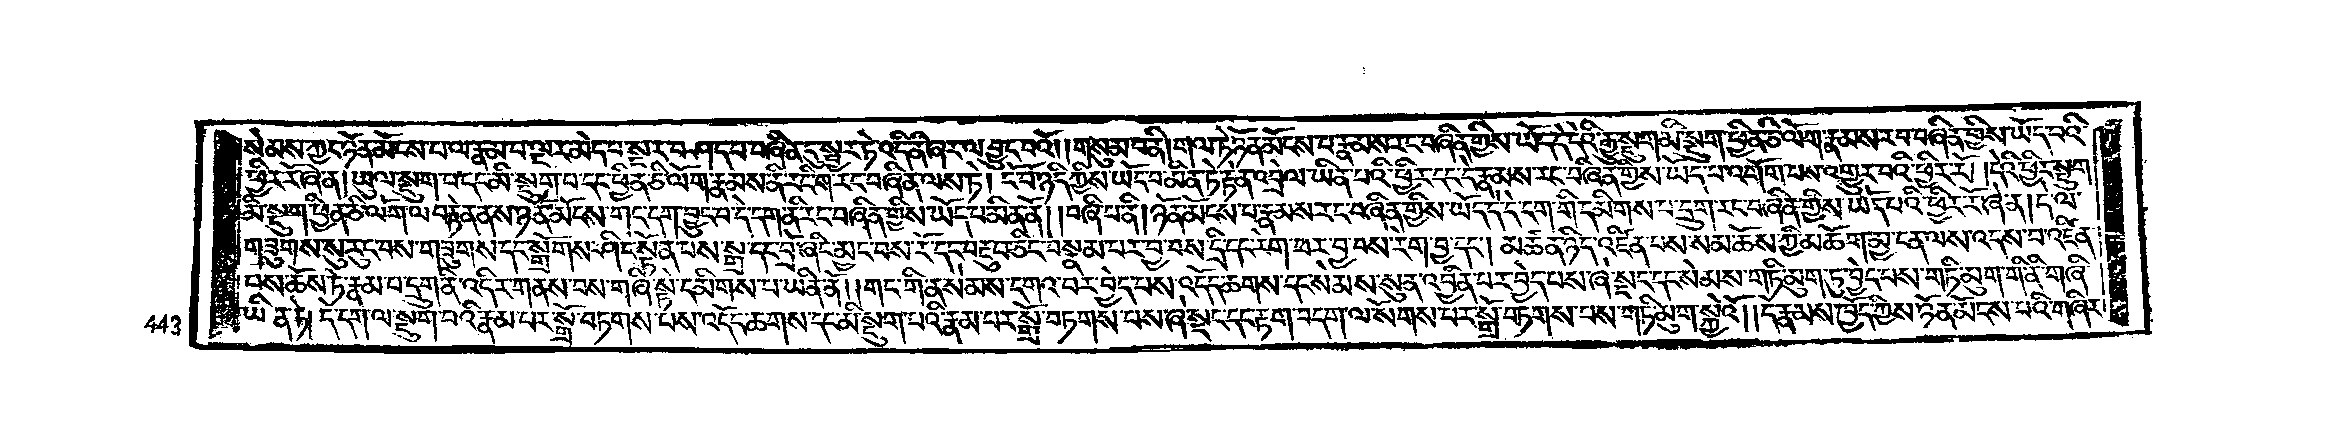སེམས་ཀྱང་ཉོན་མོངས་པ་ལ་རྣམ་པ་ལྟར་མེད་པ་སྔར་བཤད་པ་བཞིན་དུ་སྦྱར་ཏེ་འདི་ནི་ཞར་ལ་བྱུང་བའོ། །གསུམ་པ་ནི། གལ་ཏེ་ཉོན་མོངས་པ་རྣམས་རང་བཞིན་གྱིས་ཡོད་དེ་དེའི་རྒྱུ་སྡུག་མི་སྡུག་ཕྱིན་ཅི་ལོག་རྣམས་རབ་བཞིན་གྱིས་ཡོད་པའི་
ཕྱིར་རོ་ཞེ་ན། ཡུལ་སྡུག་པ་དང་མི་སྡུག་པ་དང་ཕྱིན་ཅི་ལོག་རྣམས་ནི་རང་གི་རང་བཞིན་ལས་ཏེ། ངོ་བོ་ཉིད་ཀྱིས་ཡོད་པ་མིན་ཏེ་རྟེན་འབྲེལ་ཡིན་པའི་ཕྱིར་དང་དེ་རྣམས་རང་བཞིན་གྱིས་ཡོད་པ་འགོག་པས་འགྱུར་བའི་ཕྱིར་རོ། །དེའི་ཕྱིར་སྡུག་
མི་སྡུག་ཕྱིན་ཅི་ལོག་ལ་བརྟེན་ནས་ཉོན་མོངས་གང་དག་བྱུང་བ་དེ་དག་ནི་རང་བཞིན་གྱིས་ཡོད་པ་མིན་ནོ། །བཞི་པ་ནི། ཉོན་མོངས་པ་རྣམས་རང་བཞིན་གྱིས་ཡོད་དེ་དེ་དག་གི་དམིགས་པ་དྲུག་རང་བཞིན་གྱིས་ཡོད་པའི་ཕྱིར་རོ་ཞེ་ན། དེ་ལ་
གཟུགས་སུ་རུང་བས་གཟུགས་དང་སྒྲོགས་ཤིང་སྟོན་པས་སྒྲ་དང་བྲོ་ཞིང་མྱང་བས་རོ་དང་བརྡུབ་ཅིང་བསྣམ་པར་བྱ་བས་དྲི་རང་རེག་པར་བྱ་བས་རེག་བྱ་དང་། མཚན་ཉིད་འཛིན་པས་སམ་ཆོས་ཀྱི་མཆོག་མྱ་ངན་ལས་འདས་པ་འཛིན་
པས་ཆོས་ཏེ་རྣམ་པ་དྲུག་ནི་འདིར་གནས་པས་གཞི་སྟེ་དམིགས་པ་ཡིན་ནོ། །གང་གི་ན་སེམས་དགའ་བར་བྱེད་པས་འདོད་ཆགས་དང་སེམས་སུན་འབྱིན་པར་བྱེད་པས་ཞེ་སྡང་དང་སེམས་གཏི་མུག་ཏུ་བྱེད་པས་གཏི་མུག་གི་ནི་གཞི་
ཡིན་ཏེ། དེ་དགེ་ལ་སྡུག་པའི་རྣམ་པར་སྒྲོ་བཏགས་པས་འདོད་ཆགས་དང་མི་སྡུག་པའི་རྣམ་པར་སྒྲོ་བཏགས་པས་ཞེ་སྡང་དང་རྟག་བདག་ལ་སོགས་པར་སྒྲོ་བཏགས་པས་གཏི་མུག་སྐྱེའོ། །དེ་རྣམས་ཁྱོད་ཀྱིས་ཉོན་མོངས་པའི་གཞིར་